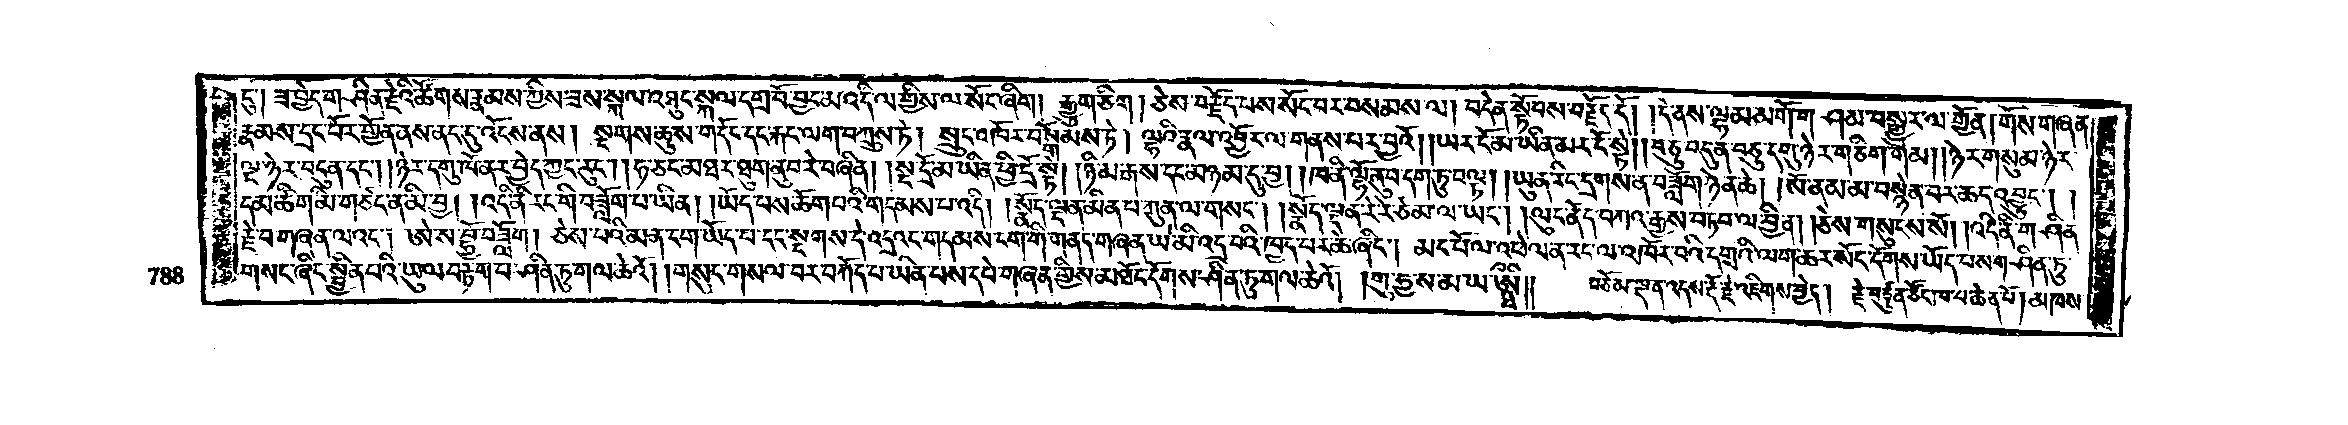དུ། ཟ་བྱེད་གཤིན་རྗེའི་ཚོགས་རྣམས་ཀྱིས་ཟས་སྐལ་འཐུང་སྐལ་དགྲ་བོ་བྱང་མ་འདི་ལ་གྱིས་ལ་སོང་ཞིག །རྒྱུག་ཅིག །ཅེས་བརྗོད་པས་སོང་བར་བསམས་ལ། བདེན་སྟོབས་བརྗོད་དོ། །དེ་ནས་ལྷམ་མགོ་གཤམ་བསྒྱུར་ལ་གྱོན། གོས་གཞན་
རྣམས་དྲང་པོར་གྱོན་ནས་ནང་དུ་འོངས་ནས། སྔགས་ཆུས་གདོང་དང་རྐང་ལག་བཀྲུས་ཏེ། སྲུང་འཁོར་བསྒོམས་ཏེ། ལྷའི་རྣལ་འབྱོར་ལ་གནས་པར་བྱའོ། །ཡར་ངོ་མ་ཡིན་མར་ངོ་སྟེ། །བཅུ་བདུན་བཅུ་དགུ་ཉེར་གཅིག་གམ། །ཉེར་གསུམ་ཉེར་
ལྔ་ཉེར་བདུན་དང་། །ཉེར་དགུ་ཁོ་ནར་བྱེད་ཀྱང་རུང་། །ཧ་ཅང་མཐར་ཐུག་ནུབ་རེ་བཞིན། །སྔ་དྲོ་མ་ཡིན་ཕྱི་དྲོ་སྟེ། །ཉི་མ་རྒས་དང་མཉམ་དུ་བྱ། །ཁ་ནི་ལྷོ་ནུབ་དག་ཏུ་བལྟ། །ཡུན་རིང་དྲགས་ན་བཟློག་ཉེན་ཆེ། །སོ་ནམ་མ་བསྙེན་བར་ཆད་འབྱུང་། །
དམ་ཚིག་མི་གཙང་ན་མི་བྱ། །འདི་ནི་རང་གི་བཟློག་པ་ཡིན། །ཡོད་པས་ཆོག་པའི་གདམས་པ་འདི། །སྣོད་ལྡན་མིན་པ་ཀུན་ལ་གསང་། །སྣོད་ལྡན་རེ་རེ་ཙམ་ལ་ཡང་། །ལུང་ནོད་བཀའ་རྒྱས་བཏབ་ལ་བྱིན། །ཅེས་གསུངས་སོ། །འདི་ནི་གཤིན་
རྗེ་བ་གཞན་ལའང་། ཨེ་ས་བྷྱོ་བཟློག །ཅེས་པའི་མན་ངག་ཡོད་པ་དང་སྔགས་དེ་འདྲའང་གདམས་ངག་གི་གནད་གཞན་ཡེ་མི་འདྲ་བའི་ཁྱད་པར་ཆེ་ཞིང་། མང་པོ་ལ་འཕེལ་ན་རང་ལ་འཁོར་བའི་དགྲའི་ལག་ཆར་སོང་དོགས་ཡོད་པས་གཤིན་ཏུ་
གསང་ཞིང་སྦྱིན་པའི་ཡུལ་བརྟག་པ་ཤིན་ཏུ་གལ་ཆེའོ། །གསུང་གསལ་བར་བཀོད་པ་ཡིན་པས་དཔེ་གཞན་གྱིས་མཐོང་དོགས་ཤིན་ཏུ་གལ་ཆེའོ། །གུ་ཧྱ་ས་མ་ཡ་ཨྀཐི། །བཅོམ་ལྡན་འདས་རྡོ་རྗེ་འཇིགས་བྱེད། རྗེ་བཙུན་ཙོང་ཁ་པ་ཆེན་པོ། མཁས་